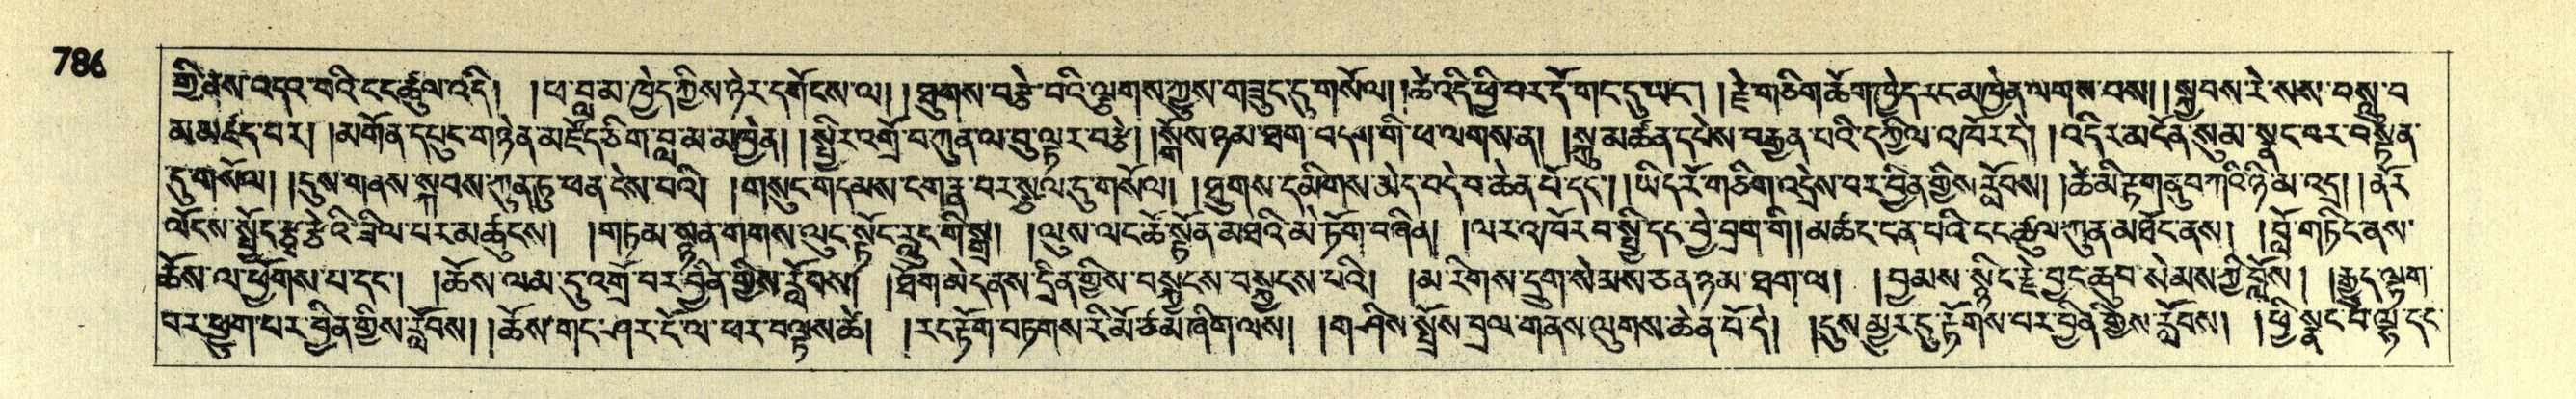གྱི་ནས་འདའ་བའི་ངང་ཚུལ་འདི། །ཕ་བླ་མ་ཁྱེད་ཀྱིས་ཉེར་དགོངས་ལ། །ཐུགས་བརྩེ་བའི་ལྕགས་ཀྱུས་གཟུང་དུ་གསོལ། །ཚེ་འདི་ཕྱི་བར་དོ་གང་དུ་ཡང་། །རྗེ་གཅིག་ཆོག་ཁྱེད་རང་མཁྱེན་ལགས་བས། །སྐྱབས་རེ་སས་བསླུ་བ་
མ་མཛད་བར། །མགོན་དཔུང་གཉེན་མཛོད་ཅིག་བླ་མ་མཁྱེན། །སྤྱིར་འགྲོ་བ་ཀུན་ལ་བུ་ལྟར་བརྩེ། །སྒོས་ཉམ་ཐག་བདག་གི་ཕ་ལགས་ན། །སྐུ་མཚན་དཔེས་བརྒྱན་པའི་དཀྱིལ་འཁོར་དེ། །འདིར་མངོན་སུམ་སྣང་བར་བསྟན་
དུ་གསོལ། །དུས་གནས་སྐབས་ཀུན་ཏུ་ཕན་ངེས་པའི། །གསུང་གདམས་ངག་རྣམ་བར་སྩལ་དུ་གསོལ། །ཐུགས་དམིགས་མེད་བདེ་བ་ཆེན་པོ་དང་། །ཡིད་རོ་གཅིག་འདྲེས་པར་བྱིན་གྱིས་རློབས། །ཚེ་མི་རྟག་ནུབ་ཀའི་ཉི་མ་འདྲ། །ནོར་
ལོངས་སྤྱོད་རྩྭ་རྩེའི་ཟིལ་པར་མཚུངས། །གཏམ་སྙན་གགས་ལུང་སྟོང་རླུང་གི་སྒྲ། །ལུས་ལང་ཚོ་སྟོན་མཐའི་མེ་ཏོག་བཞིན། །ལར་འཁོར་བ་སྤྱི་དང་བྱེ་བྲག་གི། མཚང་ངན་པའི་ངང་ཚུལ་ཀུན་མཐོང་ནས། །བློ་གཏིང་ནས་
ཆོས་ལ་ཕྱོགས་པ་དང་། །ཆོས་ལམ་དུ་འགྲོ་བར་བྱིན་གྱིས་རློབས། །ཐོག་མེད་ནས་དྲིན་གྱིས་བསྐྱངས་བསྐྱངས་པའི། །མ་རིགས་དྲུག་སེམས་ཅན་ཉམ་ཐག་ལ། །བྱམས་སྙིང་རྗེ་བྱང་ཆུབ་སེམས་ཀྱི་བློས། །རྒྱུད་ལྷག་
བར་ཕྱུག་པར་བྱིན་གྱིས་རློབས། །ཆོས་གང་ཤར་ངོ་ལ་ཕར་བལྟས་ཚེ། །རང་རྟོག་བཏགས་རི་མོ་ཙམ་ཞིག་ལས། །གཤིས་སྤྲོས་བྦྲེལ་གནས་ལུགས་ཆེན་པོ་དེ། །དུས་མྱུར་ཏུ་རྟོགས་པར་བྱིན་གྱིས་རློབས། ཕྱི་སྣང་བ་ལྷ་དང་